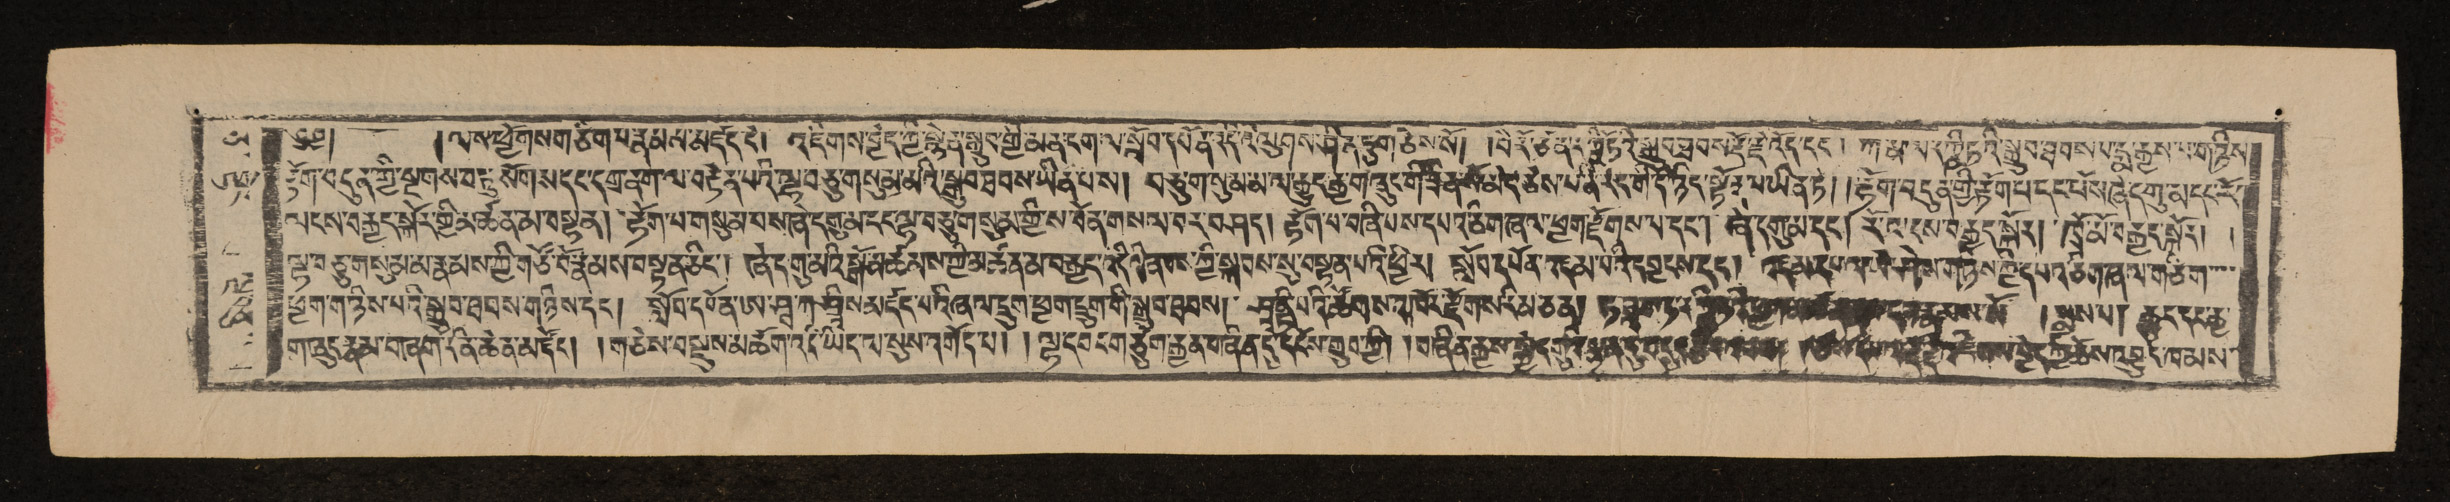༄༅། །ལས་ཕྱོགས་གཅིག་པ་རྣམས་མཛད་དེ། །འཇིགས་བྱེད་ཀྱི་སྙེན་སྒྲུབ་ཀྱི་མན་ངག་ལ་སློབ་དཔོན་འདིའི་ལུགས་ཤིན་ཏུ་གཅེས་སོ། །བཻ་རོ་ཙ་ན་རཀྵི་ཏའི་སྒྲུབ་ཐབས་རྡོ་རྗེ་འོད་དང་། ཀ་མ་ལ་རཀྵི་ཏའི་སྒྲུབ་ཐབས་པདམ་རྒྱས་པ་གཉིས་
རྟོག་བདུན་གྱི་སྔགས་བཏུ་སོགས་དང་དགྲ་ནག་ལ་བརྟེན་པའི་ལྷ་བཅུ་གསུམ་མའི་སྒྲུབ་ཐབས་ཡིན་པས། བཅུ་གསུམ་མ་ལ་རྒྱུད་རྒྱ་གཞུང་གི་ཟིན་སོ་མེད་ཅེས་པ་ནི་རང་གི་དེ་ཉིད་སྟོན་པ་ཡིན་ཏེ། རྟོག་བདུན་གྱི་རྟོག་པ་དང་པོས་ཞེ་དགུ་མ་དང་རོ་
ལངས་བརྒྱད་སྐོར་གྱི་མཚན་མ་བསྟན། རྟོག་པ་གསུམ་པས་ཞེ་དགུ་མ་དང་ལྷ་བཅུ་གསུམ་གྱི་ས་བོན་གསལ་བར་བཤད། རྟོག་པ་བཞི་པས་དཔའ་ཅིག་ཞལ་ཕྱག་རྫོགས་པ་དང་། ཞེ་དགུ་མ་དང་། རོ་ལངས་བརྒྱད་སྐོར། ཁྲོ་མོ་བརྒྱད་སྐོར།
ལྷ་བཅུ་གསུམ་མ་རྣམས་ཀྱི་གཙོ་བོ་རྣམས་བསྟན་ཅིང་། ཞེ་དགུ་མའི་སྒོ་མཚམས་ཀྱི་མཚན་མ་བརྒྱད་འདིའི་ཞབས་ཀྱི་སྐབས་སུ་བསྟན་པའི་ཕྱིར། སློབ་དཔོན་འཇམ་པའི་དབྱངས་དང་། འཇམ་དཔལ་ཡེ་ཤེས་གཉིས་ཀྱི་དཔའ་ཅིག་ཞལ་གཅིག་
ཕྱག་གཉིས་པའི་སྒྲུབ་ཐབས་གཉིས་དང་། སློབ་དཔོན་ཨ་ཤྭ་ཀ་ཤྲཱིས་མཛད་པའི་ཞལ་དྲུག་ཕྱག་དྲུག་གི་སྒྲུབ་ཐབས། ཤཱནྟི་པའི་ཚོགས་འཁོར་རྫོགས་རིམ་ཅན། ཏ་ཐཱ་ག་ཏ་རཀྵཱི་ཏའི་ཕྱག་མཚན་རྣམ་དག་རྣམས་སོ། །སྨྲས་པ། རྒྱུད་དང་རྒྱ་
གཞུང་རྣམ་བཞག་རིན་ཆེན་མཛོད། །གཅེས་བསྡུས་མཆོག་འདི་ཡིད་ལ་སུས་འགོད་པ། །ལྷ་དབང་གཙུག་རྒྱན་བཞིན་དུ་དངོས་གྲུབ་ཀྱི། །བཞིན་རྒྱས་སྐྱེ་དགུའི་སྙན་དུ་བདུད་རྩིར་འབབ། །ཅེས་དཔལ་རྡོ་རྗེ་འཇིགས་བྱེད་ཀྱི་ཆོས་འབྱུང་ཁམས་